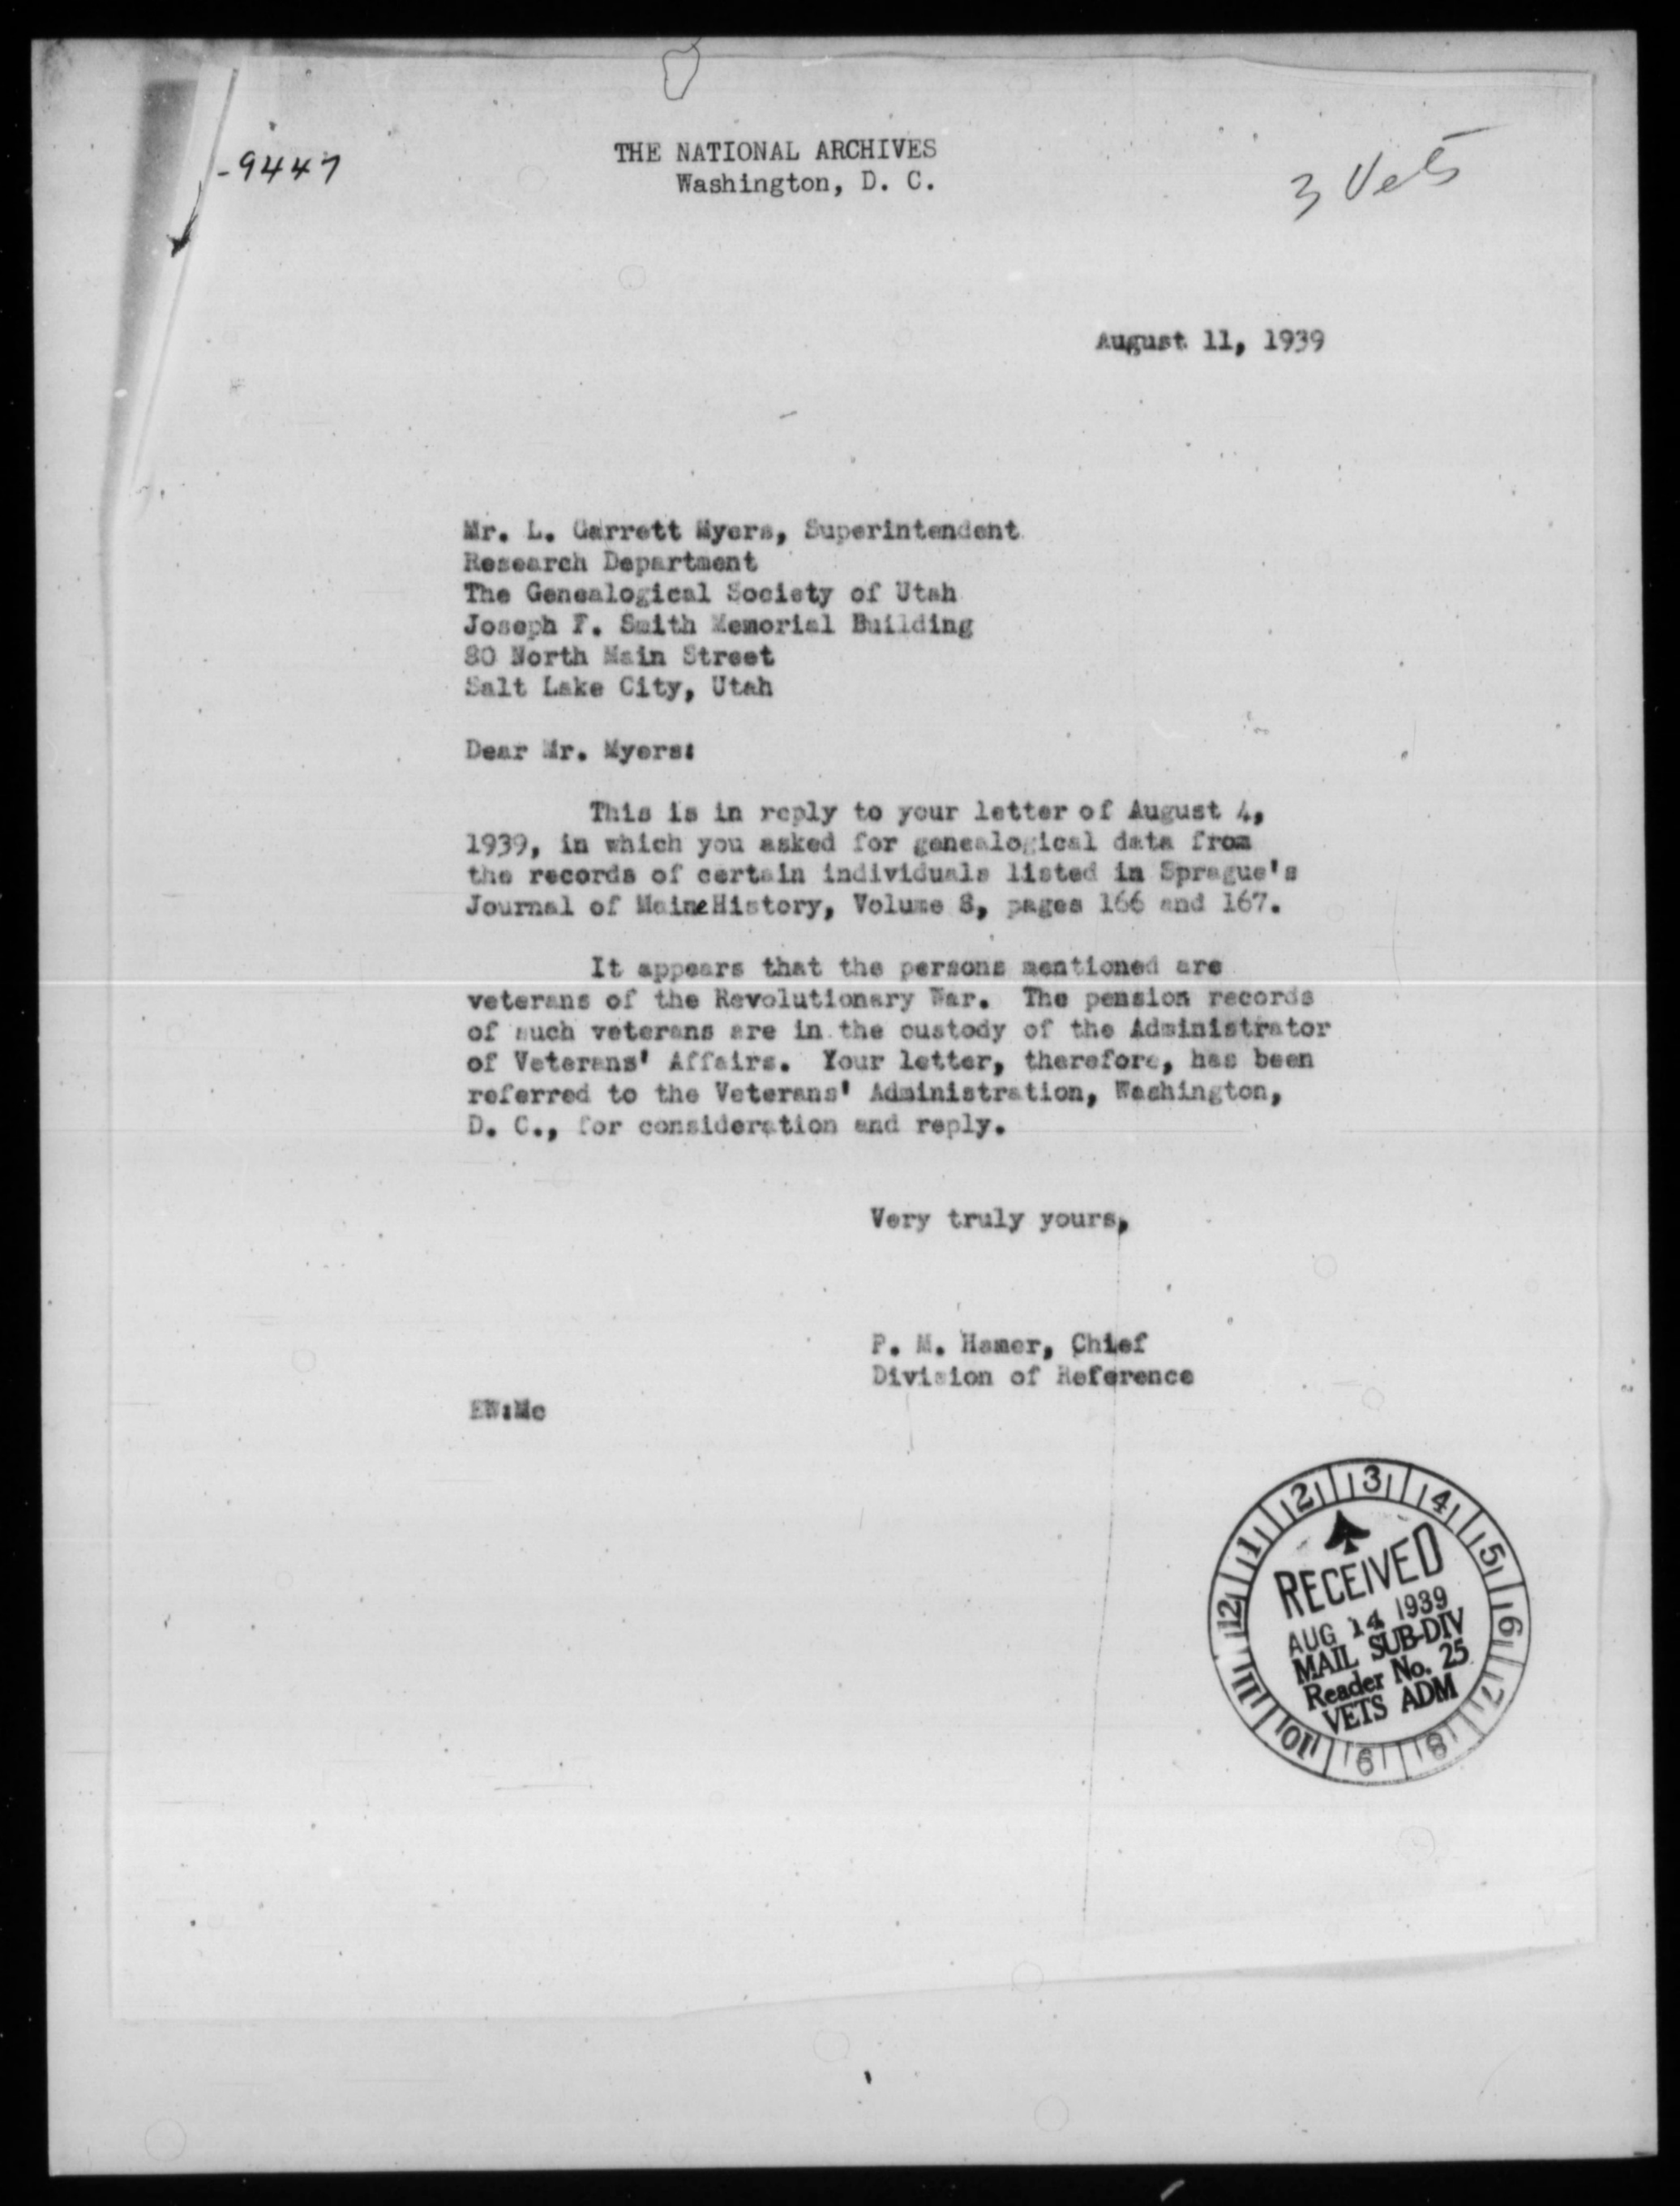-9447 THE NATIONAL ARCHIVES
Washington, D.C. 3 Vets
August 11, 1939
Mr. L. Garrett Myers, Superintendent
Research Department
The Genealogical Society of Utah
Joseph F. Smith Memorial Building
80 North Main Street
Salt Lake City Utah
Dear Mr. Myers:
This is in reply to your letter Of August 4,
1939, in which you asked for genealogical data from the records of certain individuals listed in Sprague's Journal of Maine History, Volume 8, pages 166 and 167.
It appears that the persons mentioned are veterans of the Revolutionary War. The pension records of such veterans are in the custody of the Administrator of Veterans' Affairs. Your letter, therefore has been referred to the Veterans' Administration, Washington, D.C., for consideration and reply.
Very truly yours, 
P.M. Hamer, Chief
Division of Reference
EW:Mcc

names: Joseph F Smith; L Garrett Myers; P M Hamer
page: 17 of 20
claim: widow's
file: W 2362, for Jasiel Smith, Massachusetts